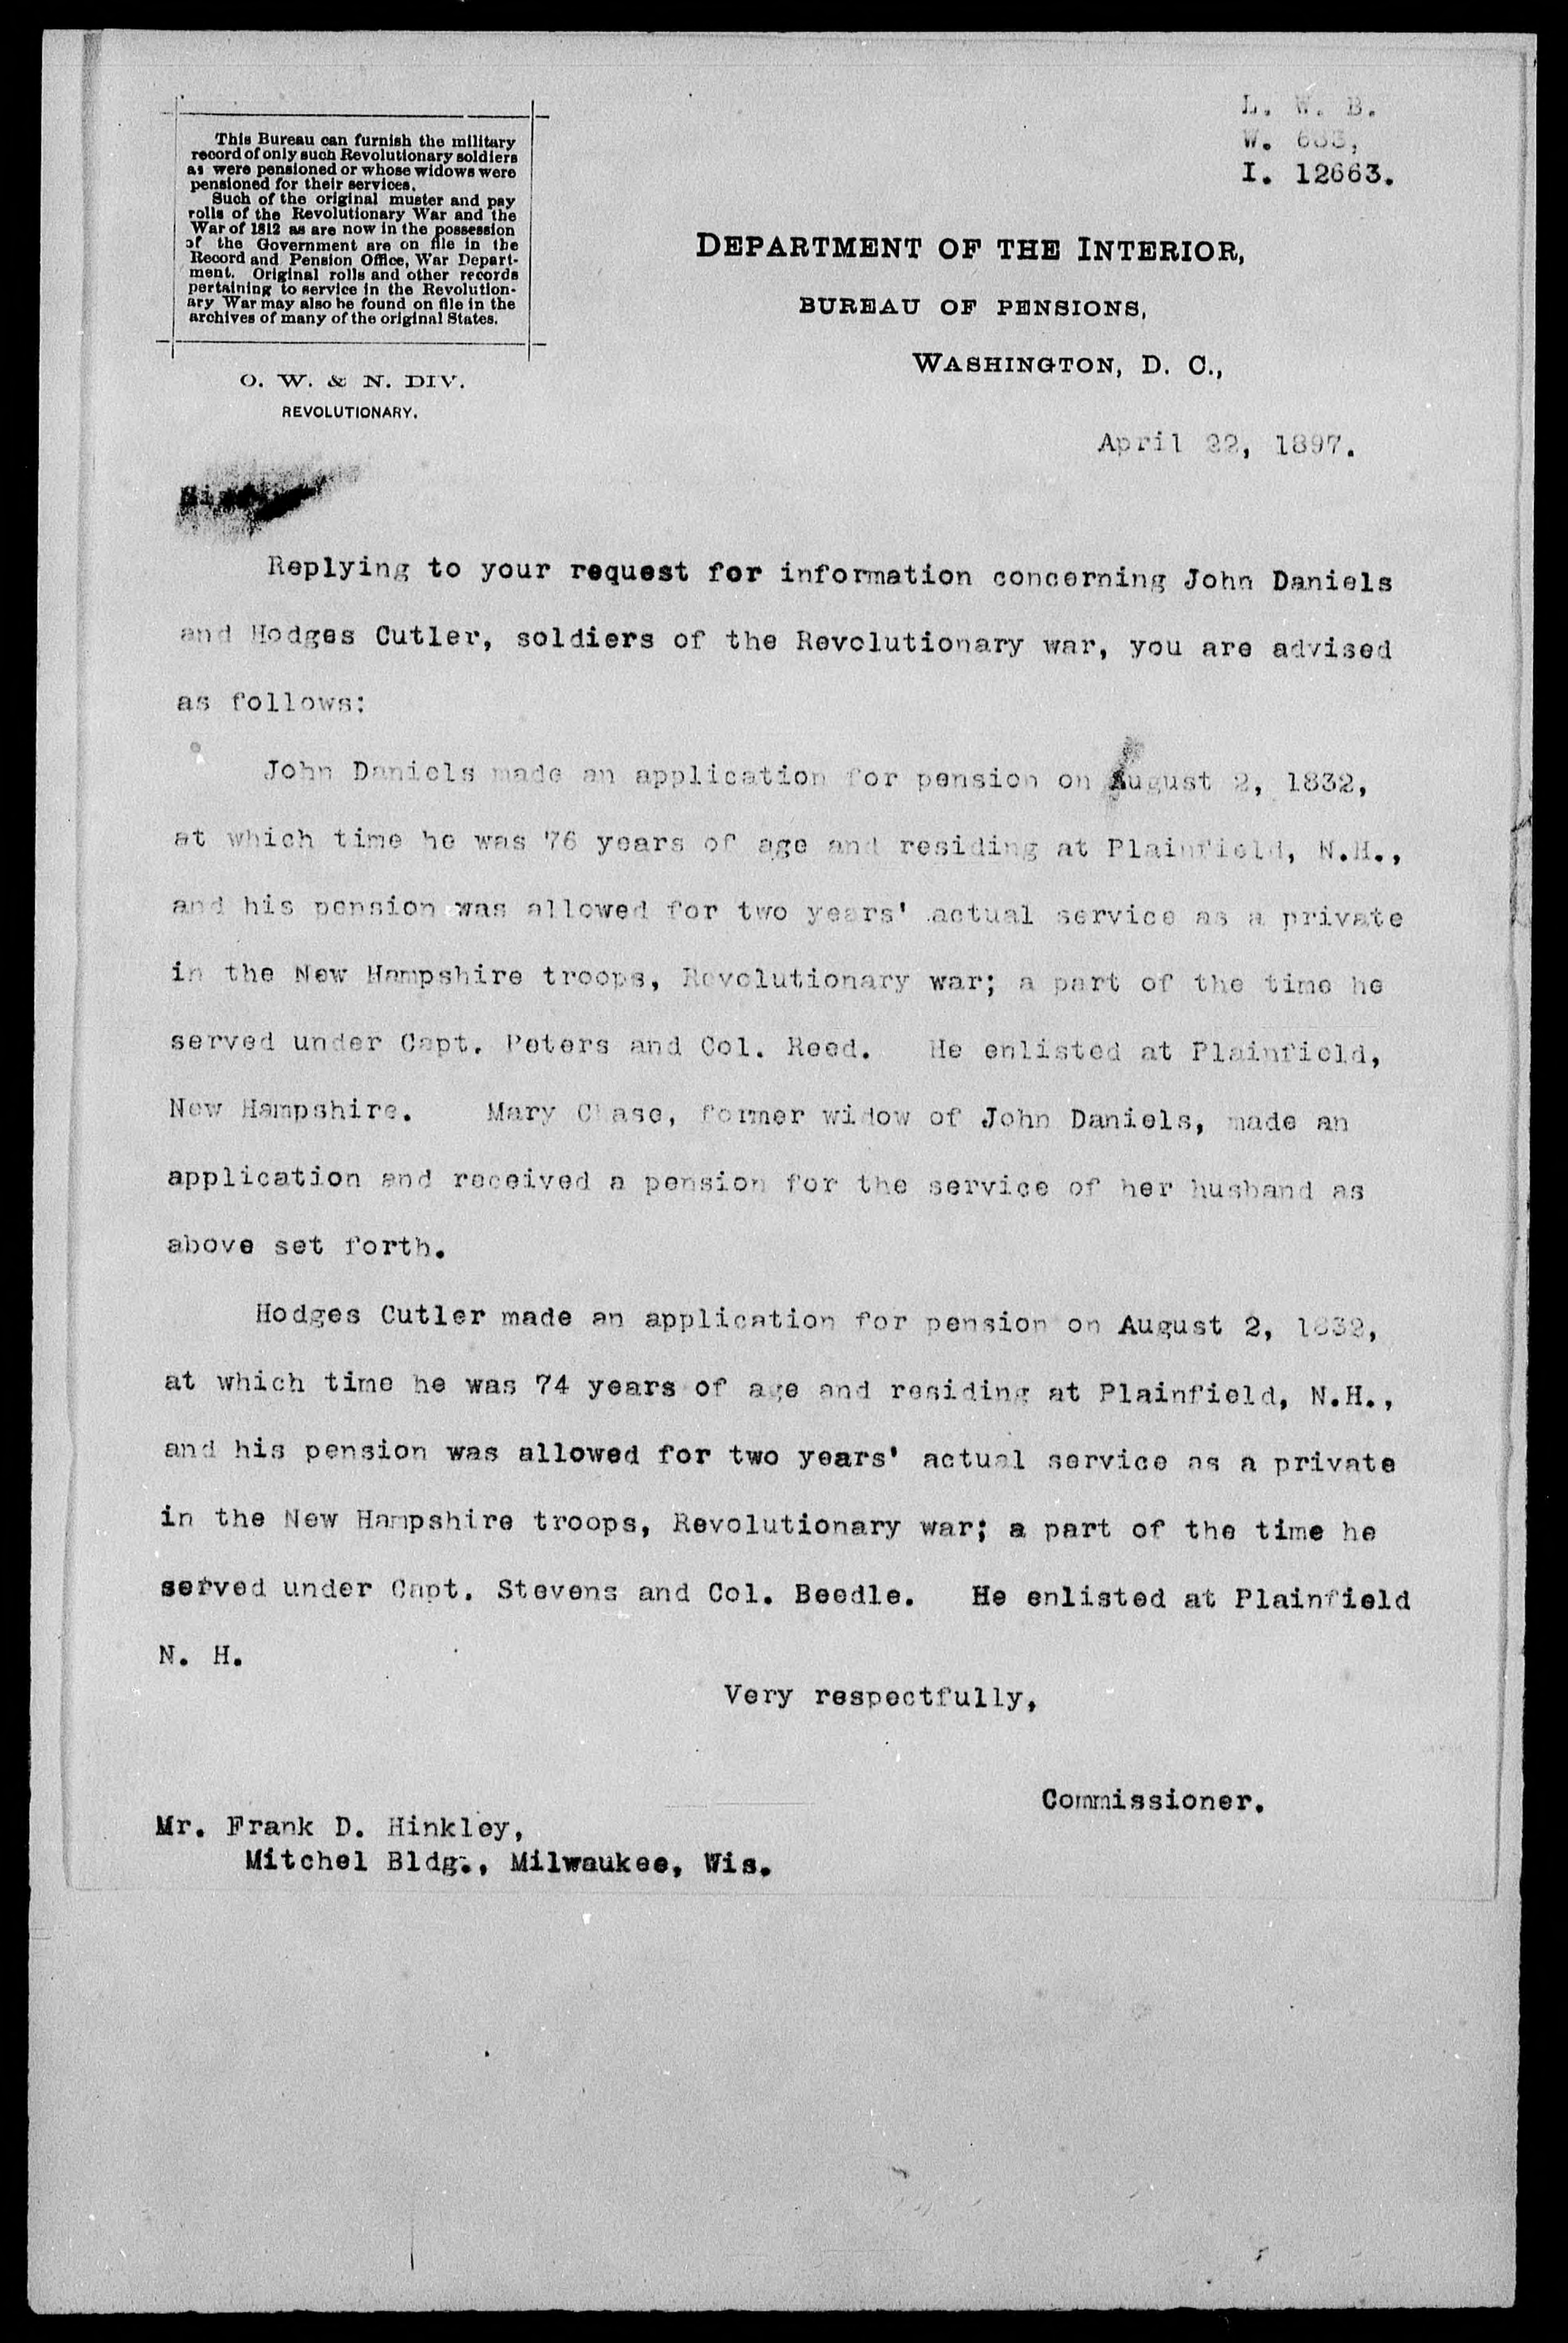This Bureau can furnish the military records of only such Revolutionary soldiers as were pensioned or whose widows were pensioned for their service.
Such of the original muster and pay rolls of the Revolutionary War and the War of 1812 as are now in the possession of the Government are on file in the Record and Pension Office, War Department.  Original rolls and other records pertaining to service in the Revolutionary War may also be found on file in the archives of many States.
O. W. & N. DIV.
REVOLUTIONARY

[on right] L.W.B.
W. 683,
I. 12663.

DEPARTMENT OF THE INTERIOR,
BUREAU OF PENSIONS,
WASHINGTON, D.C.,
April 22, 1897.

Sir,  Replying to your request for information concerning John Daniels and Hodges Cutler,  soldiers of the Revolutionary War, you are advised as follows:
John Daniels made an application for pension on August 2, 1832, at which time he was 76 years of age and residing at Plainfield, N.H., and his pension was allowed for two years' actual service as a private in the New Hampshire troops, Revolutionary war; a part of the time he served under Capt. Peters and Col. Reed.  He enlisted at Plainfield, New Hampshire.  Mary Chase, former widow of John Daniels, made an application and received a pension for the service of her husband as above set forth.
Hodges Cutler made an application for pension on August 2, 1832, at which time he was 74 years of age and residing at Plainfield, N.H., and his pension was allowed for two years' actual service as a private in the New Hampshire troops, Revolutionary war; a part of the time he served under Capt. Stevens and Col. Beedle.  He enlisted in Plainfield, N.H.

Very respectfully, [no signature]
Commissioner

Mr. Frank D. Hinkley, Mitchel Bldg., Milwaukee, Wis.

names: Beedle, Frank D Hinkley, Peters, Hodges Cutler, Reed, Mary Chase, John Daniels, John Daniels, John Daniels, Stevens, Hodges Cutler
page: 42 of 43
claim: widow's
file: W 683, John Daniels, Continental Mass. N.H.